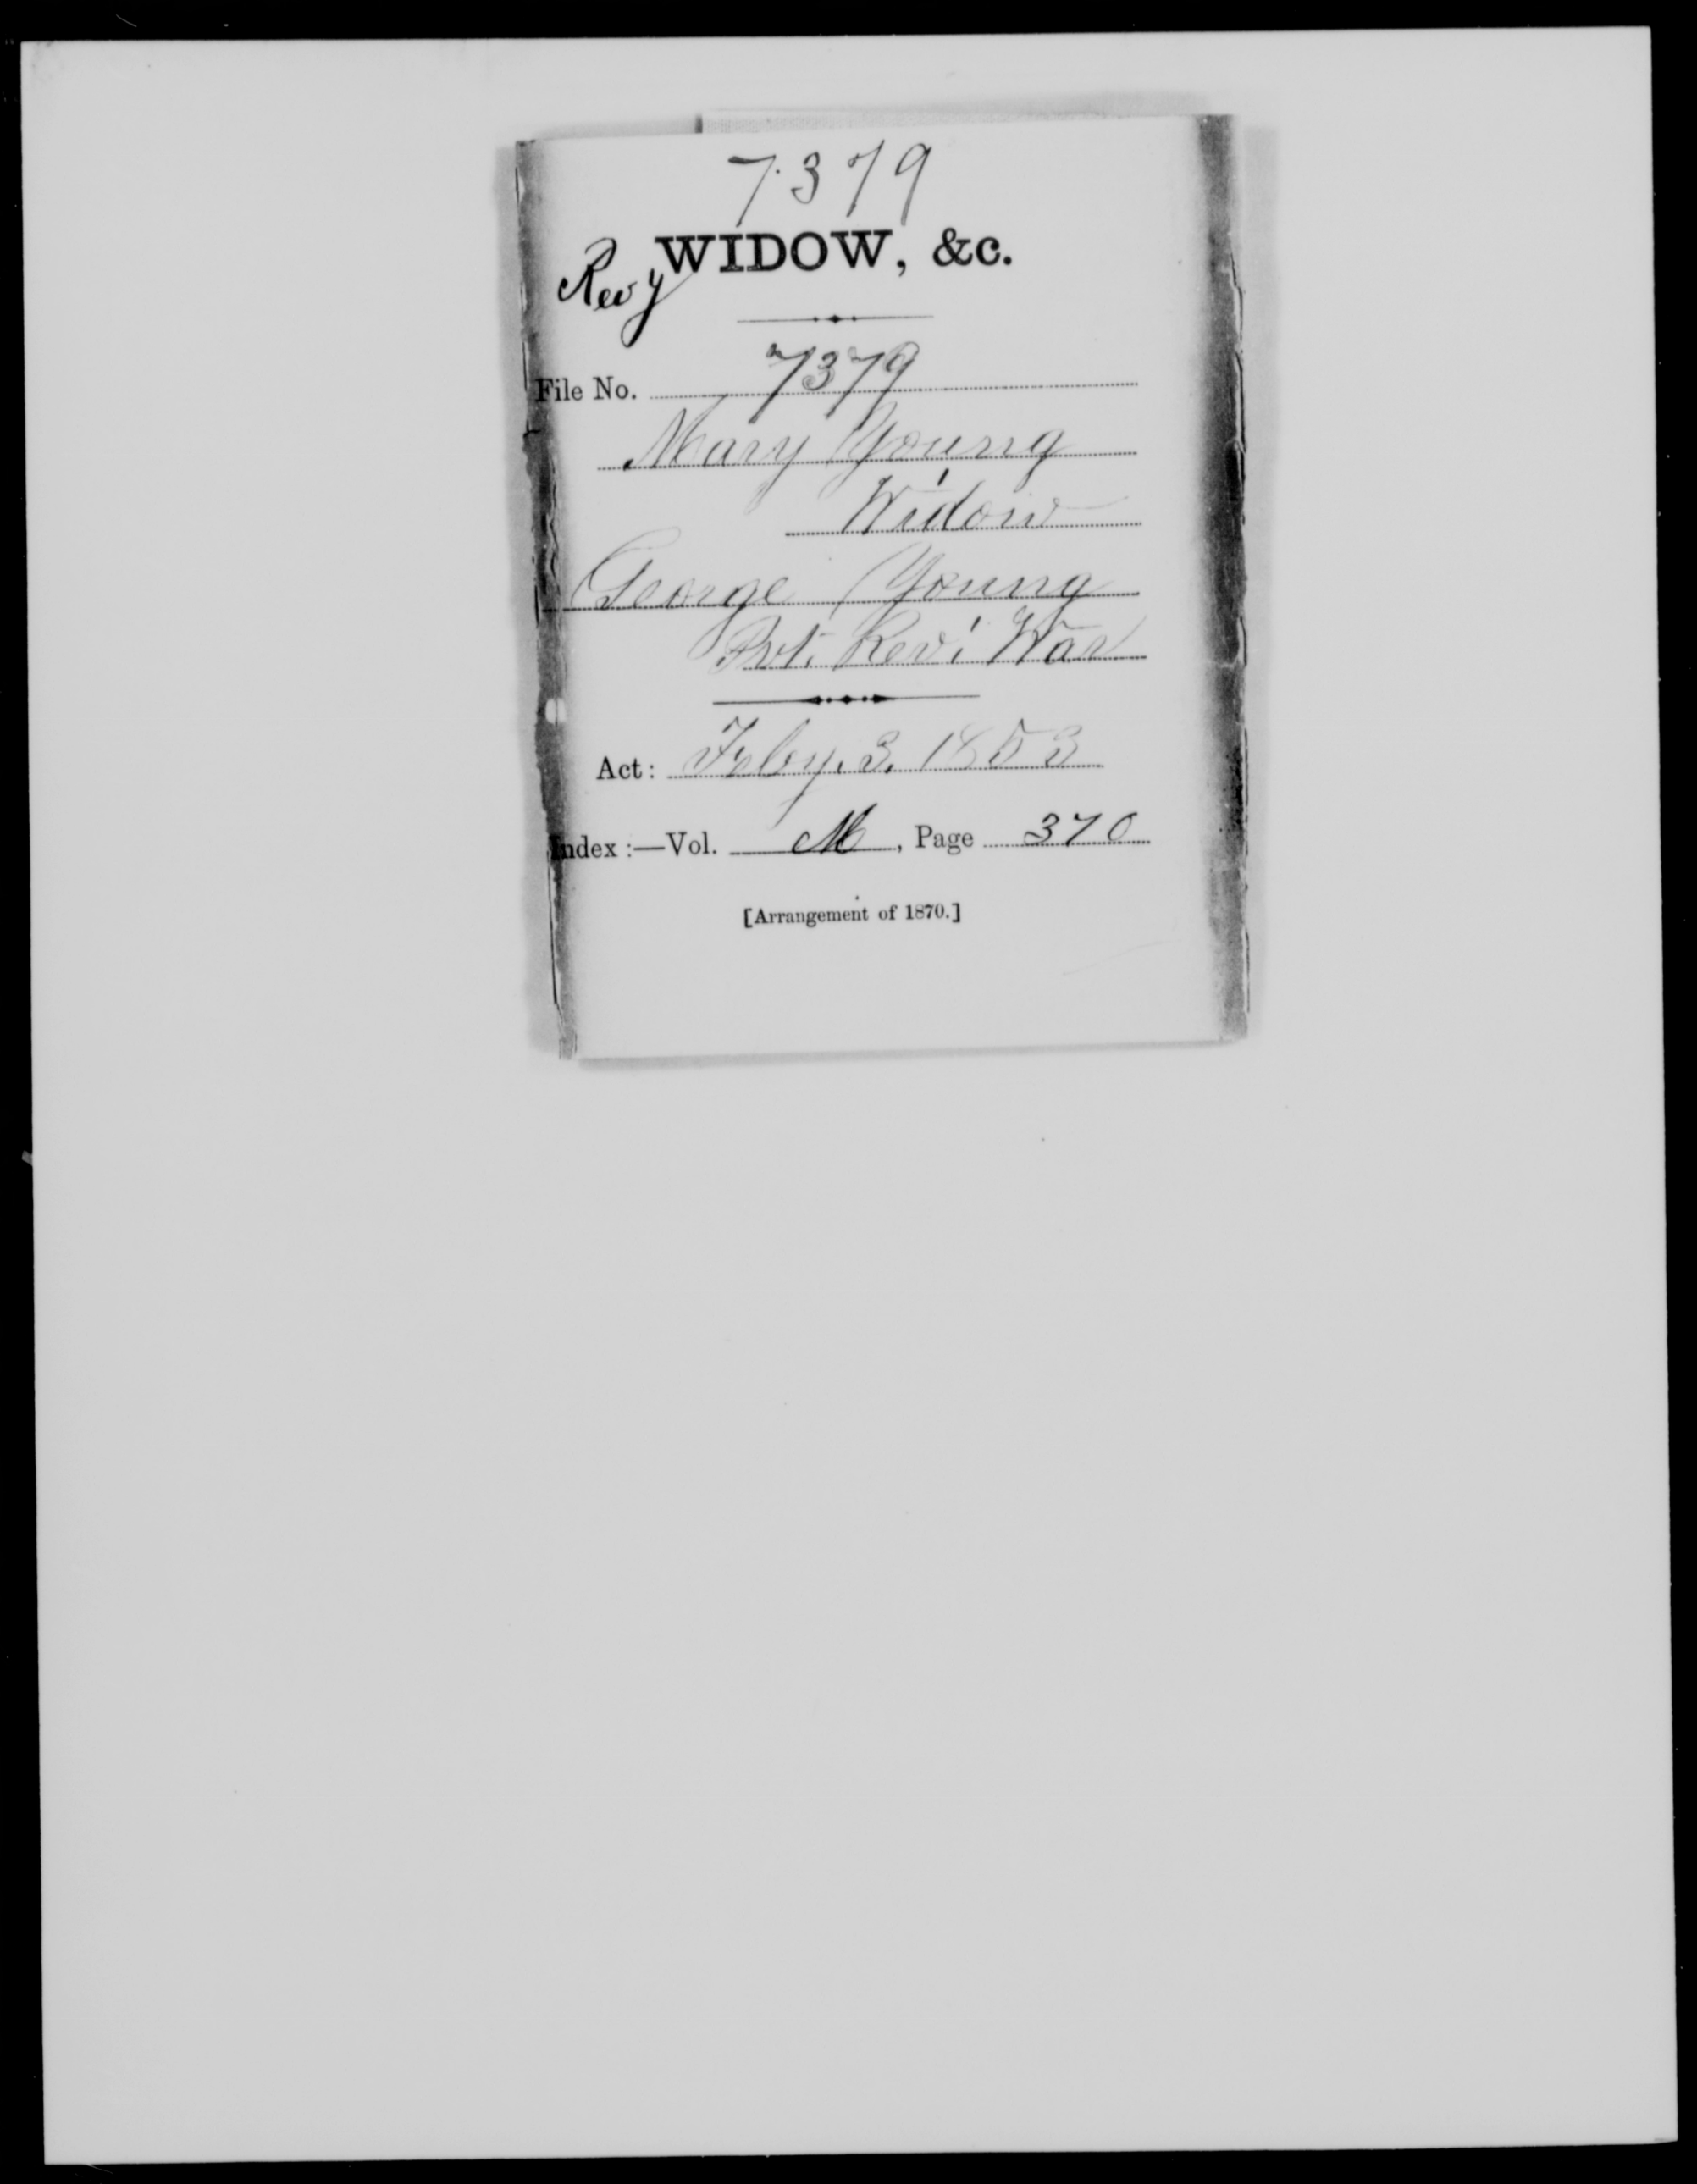7.379
K.
WIDOW, &c.
7379
Mary Young
Widow
George Young
Pvt. Rev. War
Act: Feby 3. 1853
ex: -- Vol. M, Page 370
[Arrangement of 1870.]
ile No.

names: George Young, Mary Young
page: 28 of 67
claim: widow's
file: W. 7379, George Young, New Jersey